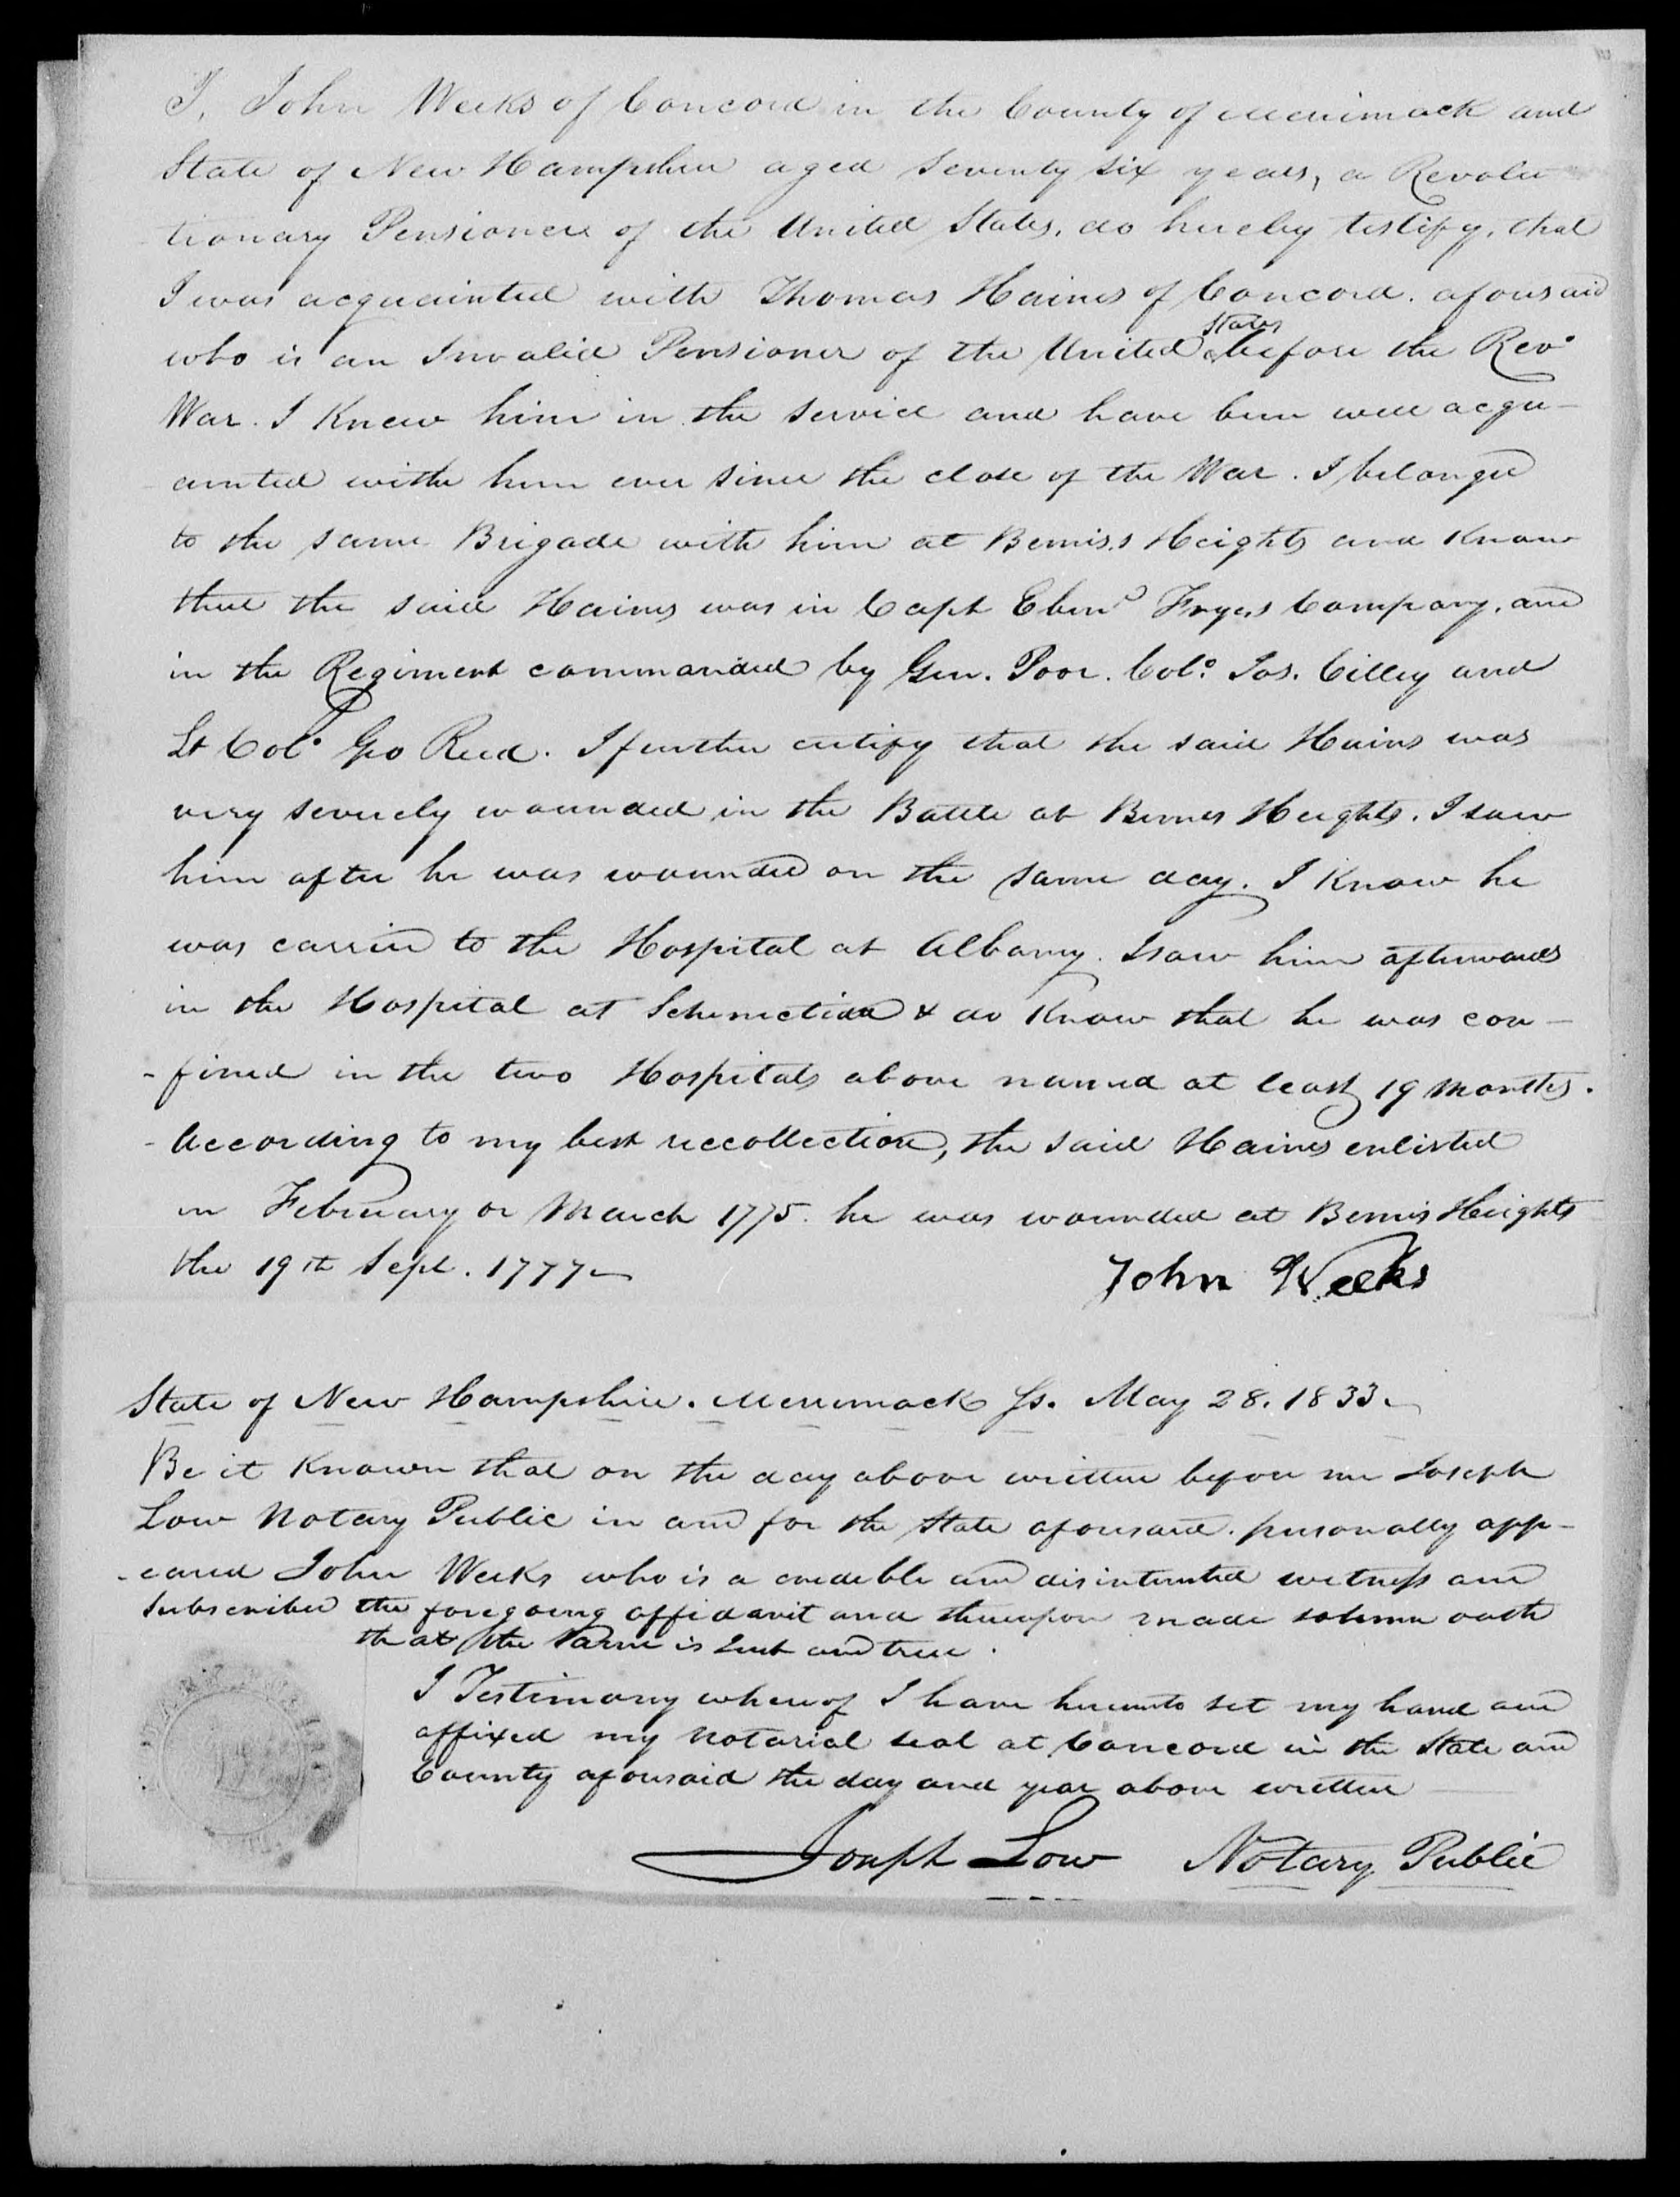I, John Weeks of Concord in the County of Merimack and 
State of New Hampshire aged Seventy Six years, a Revolutionary 
Pensioner of the Unites States , do hereby testify, that 
I was acquainted with Thomas Haines of Concord. Aforesaid 
who is an Invalid Pensioner of the United States before the Rev 
War. I knew him in the service and have been well acquainted 
with him ever since the close of the War. I belonged 
to the same Brigade with him at Bemis Heights and know 
that the said Haines was in Capt Eben Fryes Company, and 
in the Regiment commanded by Gen. Poor. Col. Jos Cilley and 
Lt Col. Geo Reed. I further certify that the said Hains was 
very severely wounded in the Battle at Bemis Heights. I saw 
him after he was wounded on the same day. I know he 
was carried to the Hospital at Albany. I saw him afterwards 
in the Hospital at Schenection [Schenectady]
 & do know that he was confined 
in the two Hospitals above named at least 19 months. 
According to my best reccollection, the said Haines enlisted 
in February or March 1775. He was wounded at Bemis Heights 
the 19th Sept. 1777-John Weeks

State of New Hampshire. Merrimack ss. May 28, 1833-
Be it known that on the day above written before me Joseph 
Low notary Public in and for the state aforesaid personally app
And John Weeks who is. Credible and disinterested witness and 
Subscribed the foregoing affidavit and thereupon made solemn oath
That the same is just and true.
I Testimony whereof I have hereunto set my hand and 
Affixed my notarial seal at Concord in the State and 
County aforesaid the day and year above written-
Joseph Low Notary Public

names: Poor, Haines, Jos Cilley, Hains, Thomas Haines, Ebenr Fryers, John Weeks, Geo Reed, Joseph Low, John Weeks, John Weeks, Joseph Low, Haines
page: 42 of 57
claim: widow's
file: W. 23217, Thomas Haines, N H